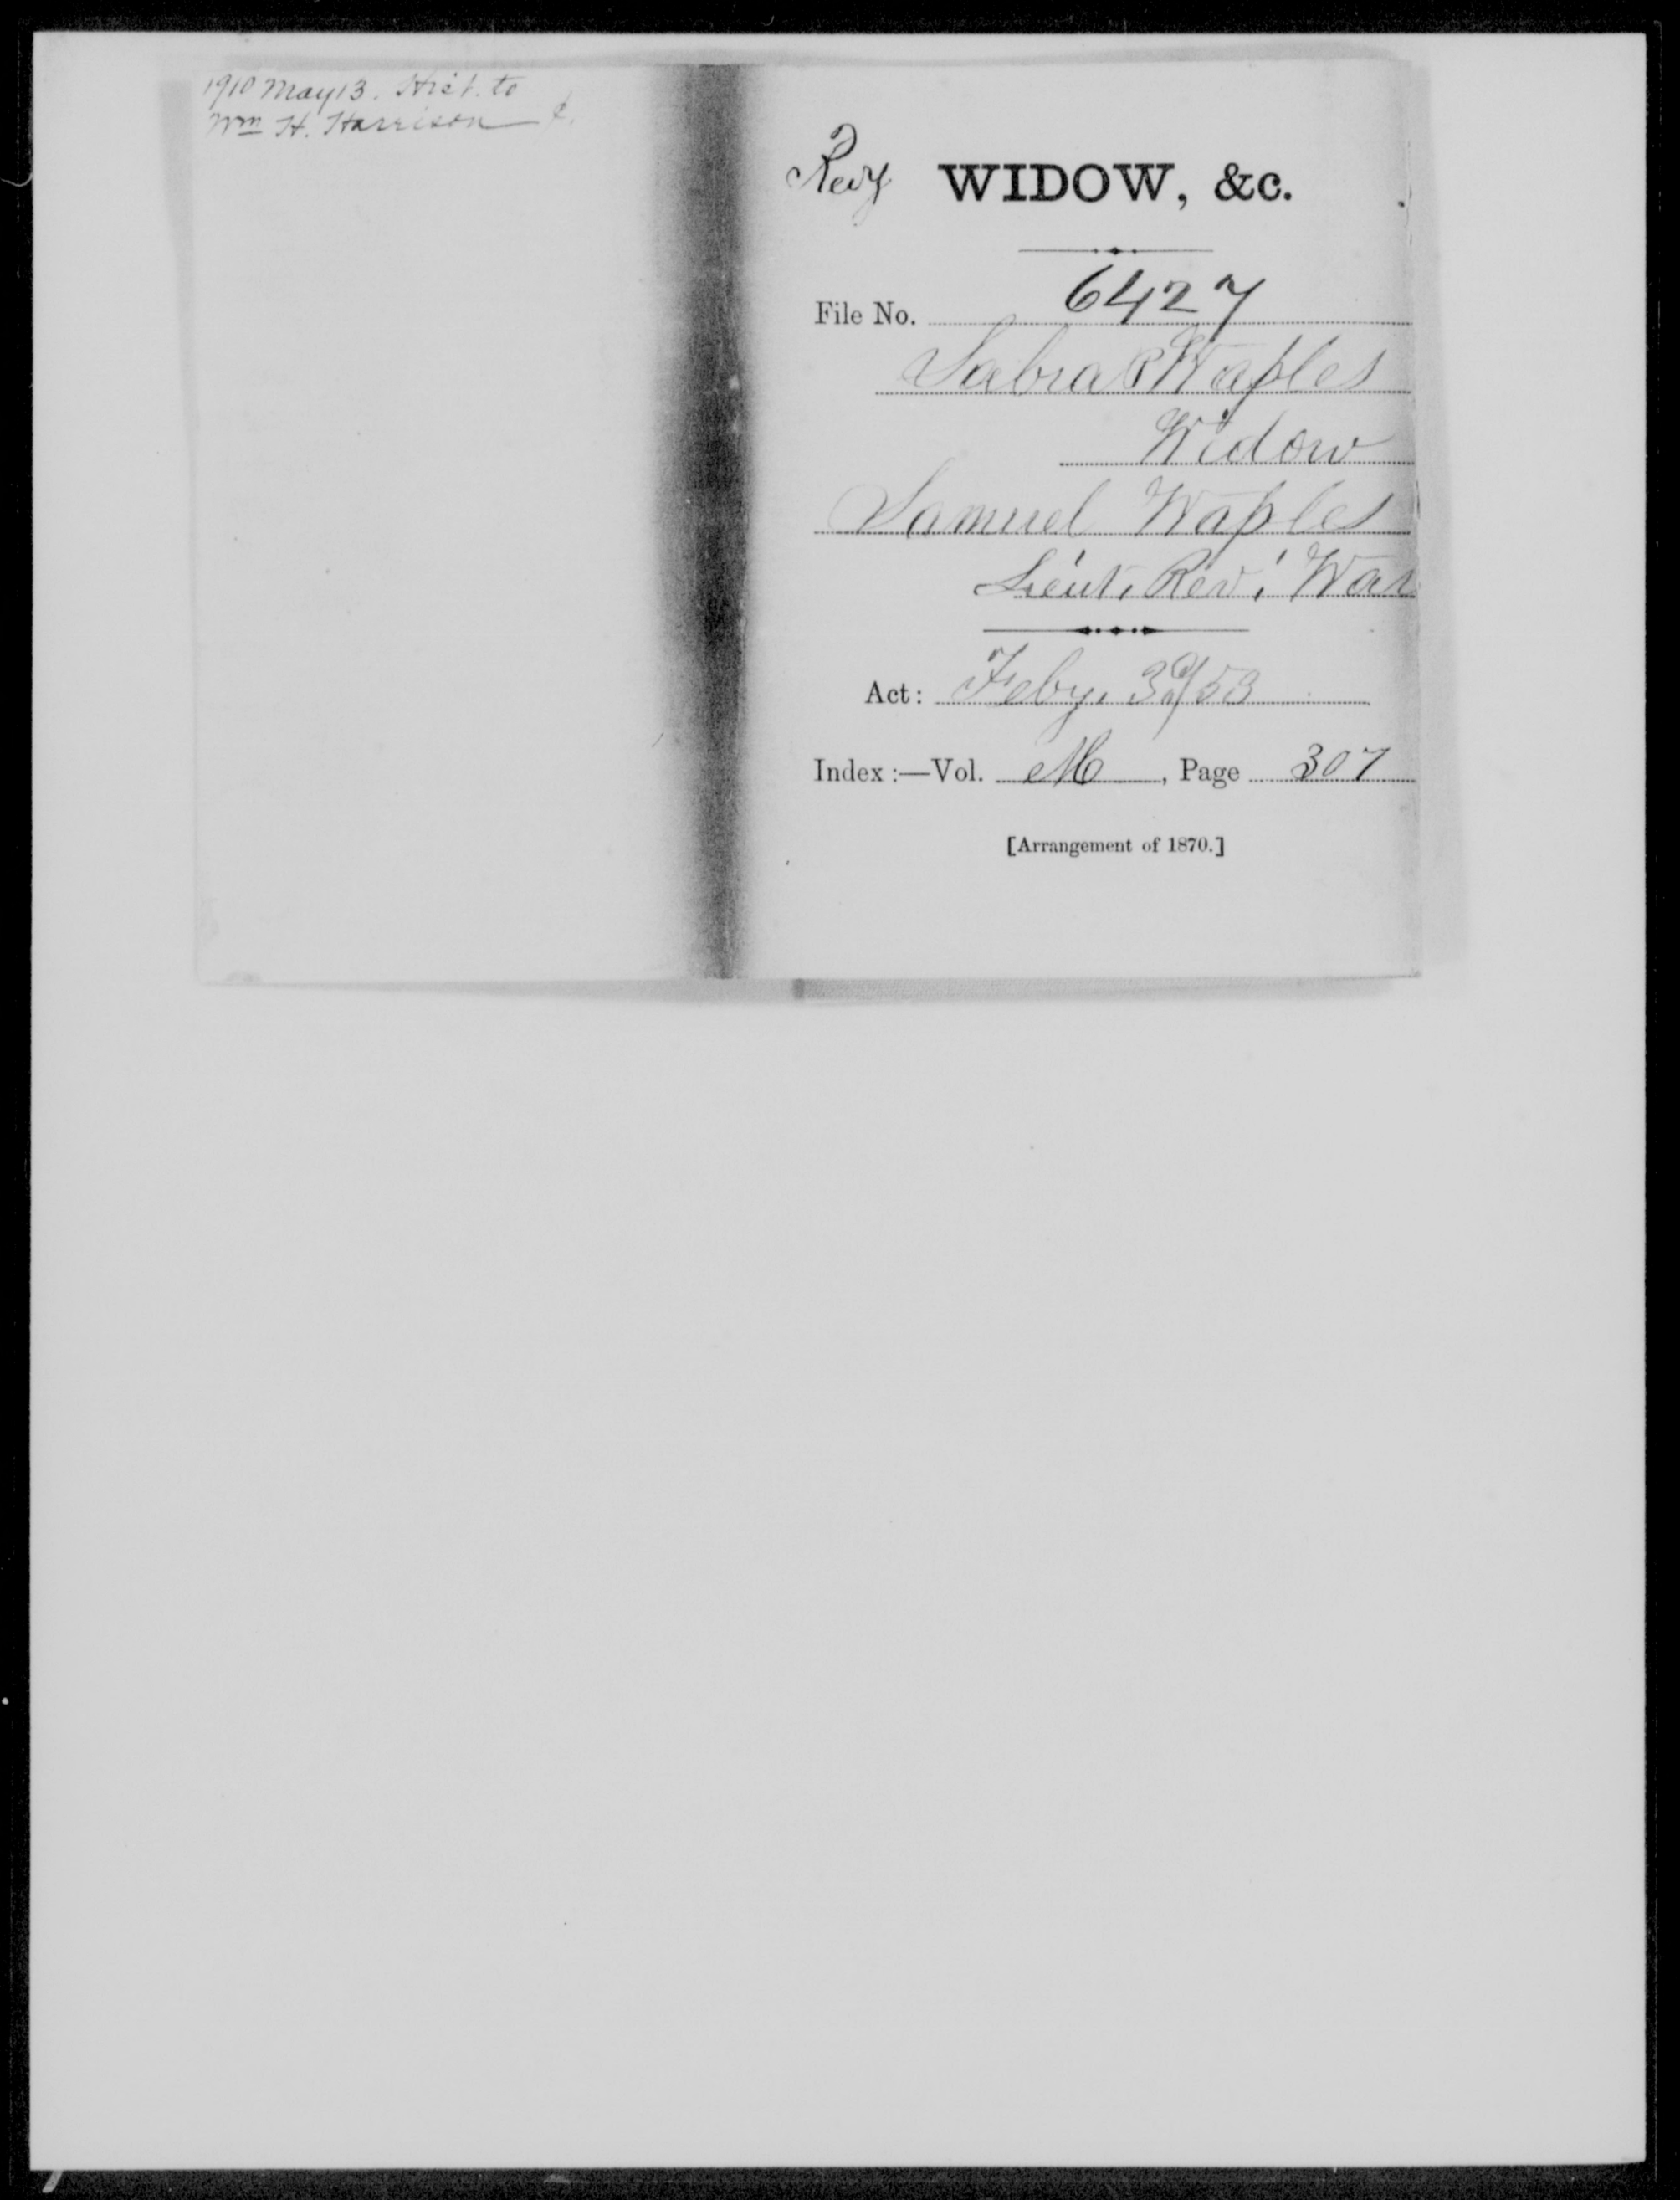1910 May 13. Hist to
Wm H. Harrison

Revy WIDOW, &c.
File No. 6427
Sabra P Waples
Widow
Samuel Waples
Lieut. Rev. War
---
Act: Feby. 3rd/53 
Index:--Vol. 16, Page 307
[Arrangement of 1870.]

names: Samuel Waples, Wm H Harrison, Sabra P Waples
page: 24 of 59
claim: widow's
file: W. 6427, Samuel Waples, Va.